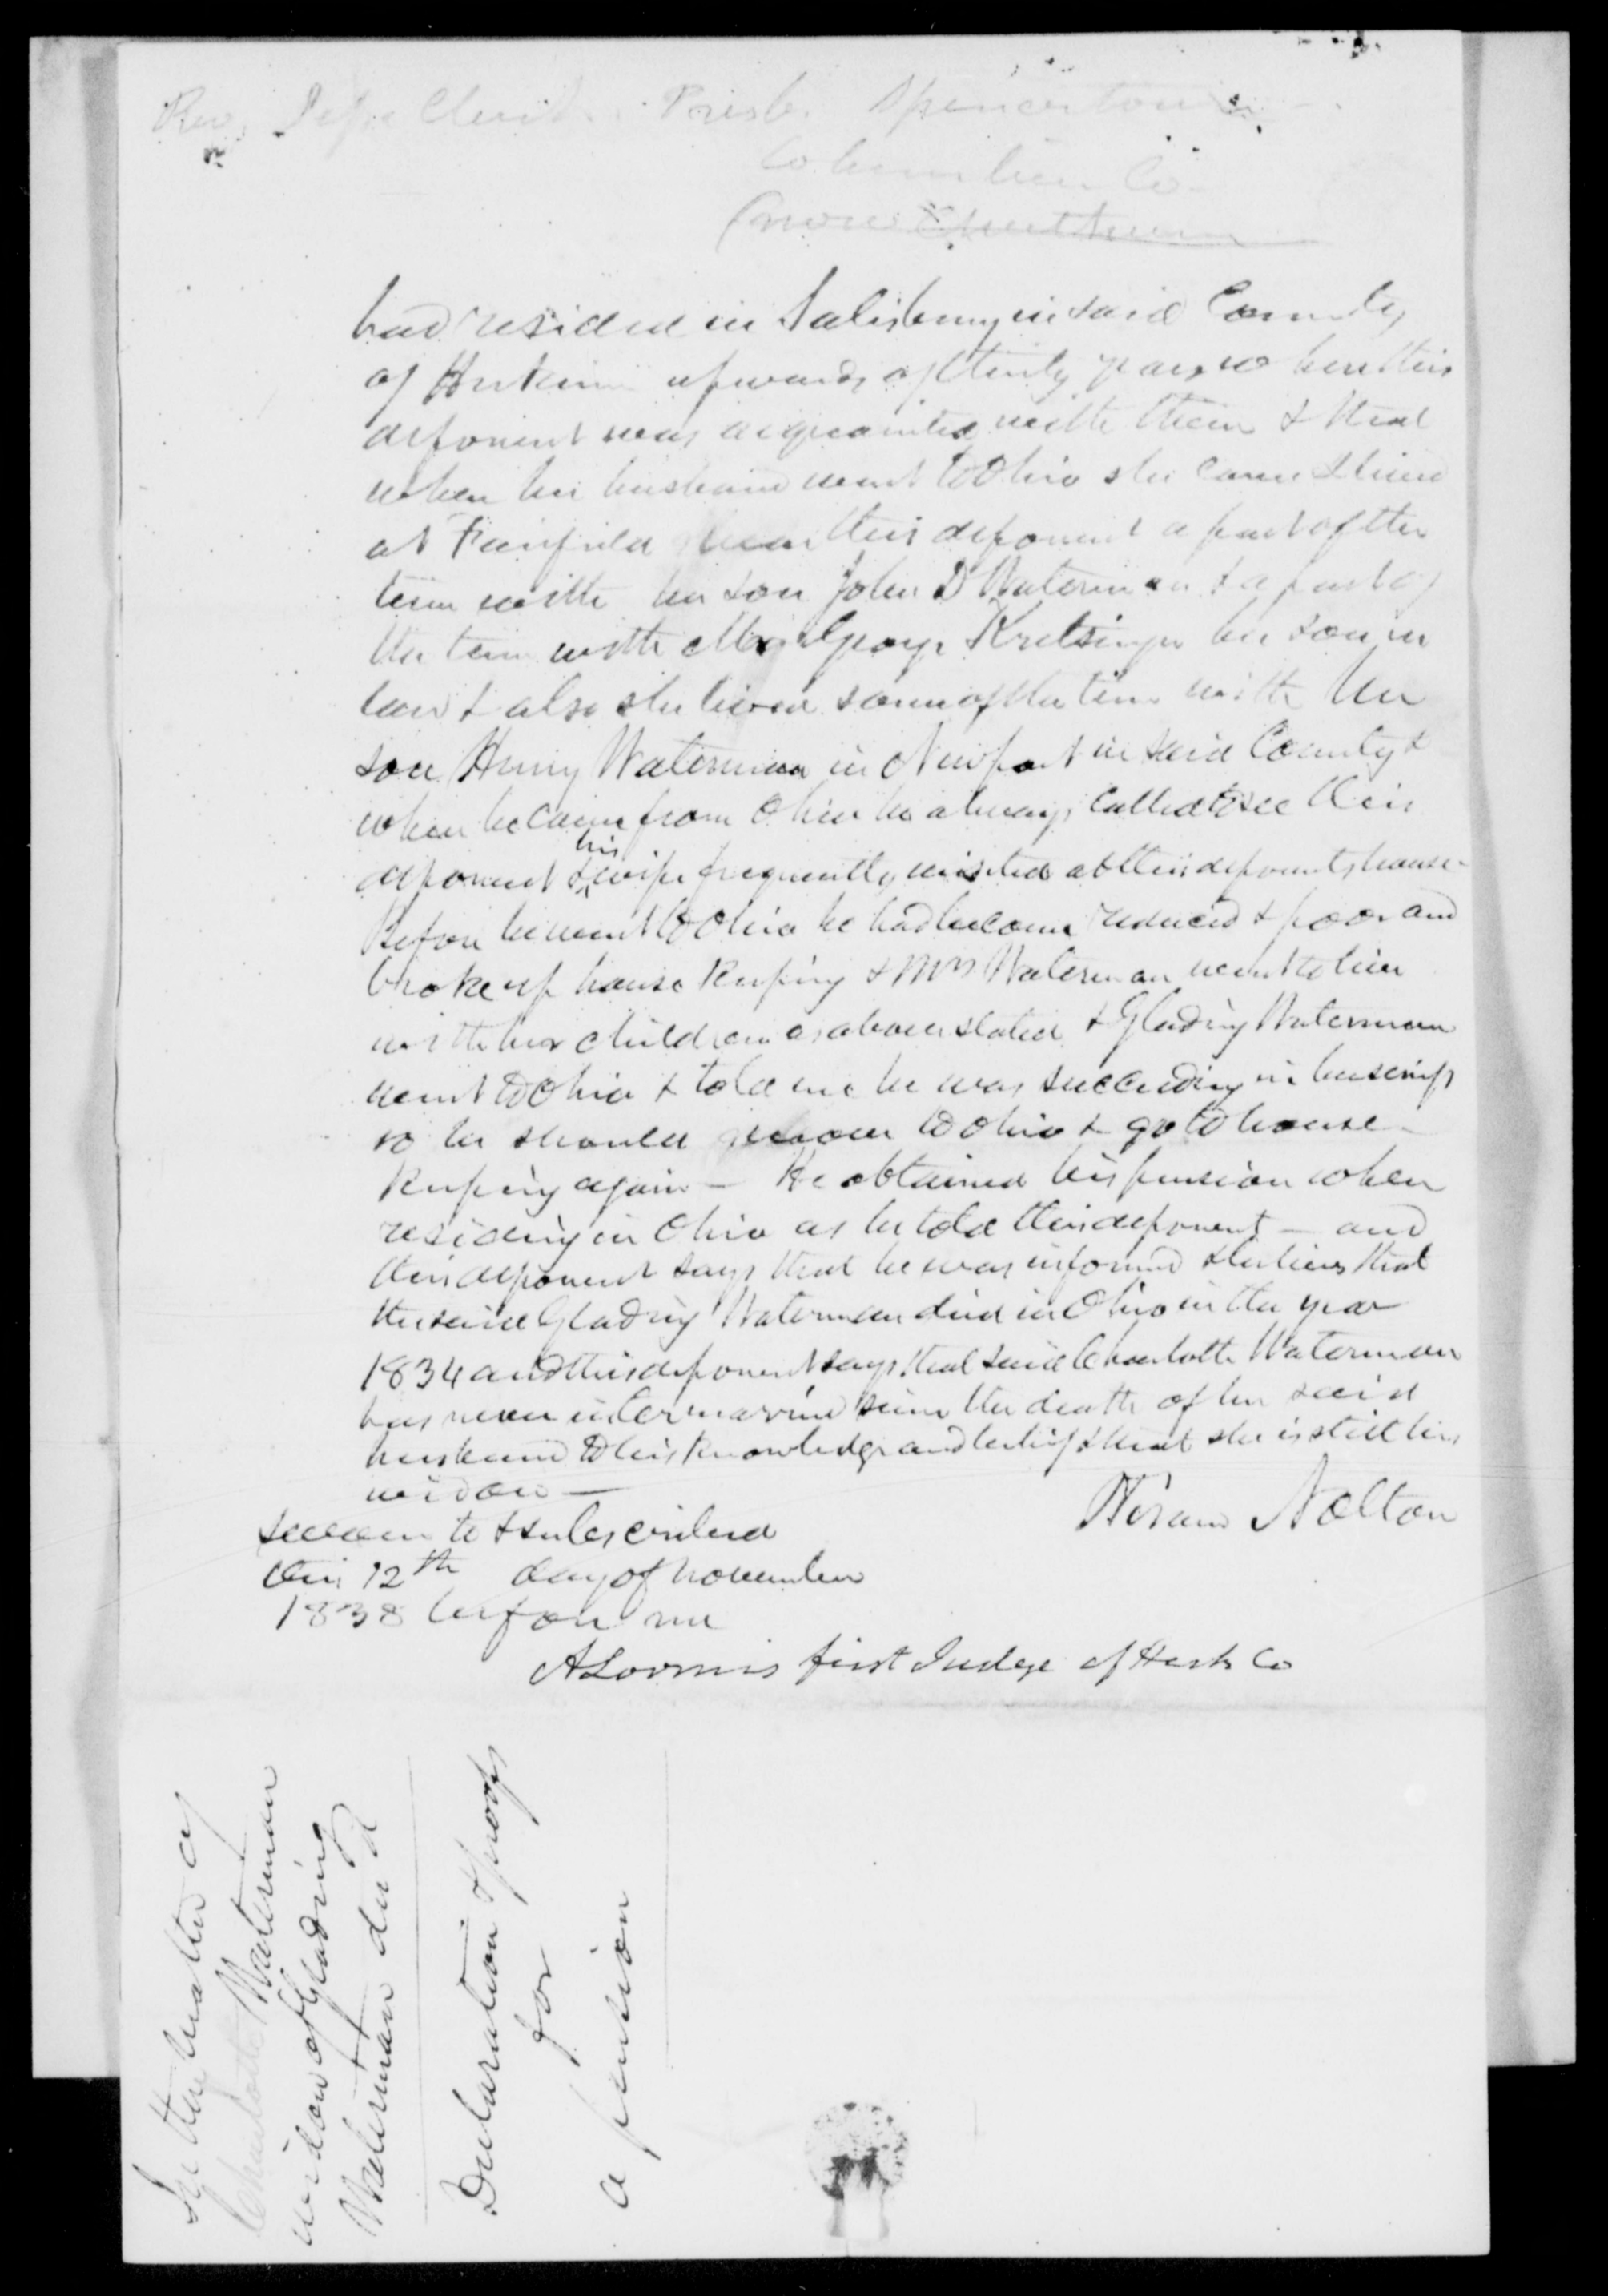Rev. Jesse [illegible], Parish, Spencertown
Columbia Co.
[illegible]  [illegible]

had resided in Salisbury in said County of Herkimer upwards of thirty years & here this deponent was acquainted with them & that when her husband went to Ohio, she came & lived at Fairfield, near this deponent, a part of the time with her son, John D. Waterman & a part of the time with Mr. George Kretsinger, her son-in-law.  Also she lived some of the time with her son, Harry Waterman in Newport in said County & when he came from Ohio he always called to see this deponent & his wife frequently visited a [illegible] deponent's house. Before be went to Ohio, he had become reduced & poor and broke up house keeping & Mrs. Waterman went to live with her children, as above stated & Glading Waterman went to Ohio & told me he was succeeding in business so he should [    ] to Ohio & go to house keeping again. He obtained his pension when residing in Ohio as he told this deponent. And this deponent says that he was informed & believes that the said Glading Waterman died in Ohio in the year 1834 and this deponent says that said Charlotte Waterman has never intermarried since the death of her said husband to his knowledge and belief that she is still his widow.
Hiram Nolton

Sworn  to & subscribed 
this 12th day of November
1838 before me.
A Loomis,  first Judge of Herkimer Co.

See the matter of
Charlotte Waterman
widow of Glading
Waterman, dec. 
----------------------------
Declaration & proofs
for a pension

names: Henry Waterman, John D Waterman, Charlotte Waterman, A Loomis, Wm Waterman, Hiram Nolton, Glading Waterman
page: 13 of 50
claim: widow's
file: W. 15814, Glading Waterman, Conn. Conn. Sea Service Continental